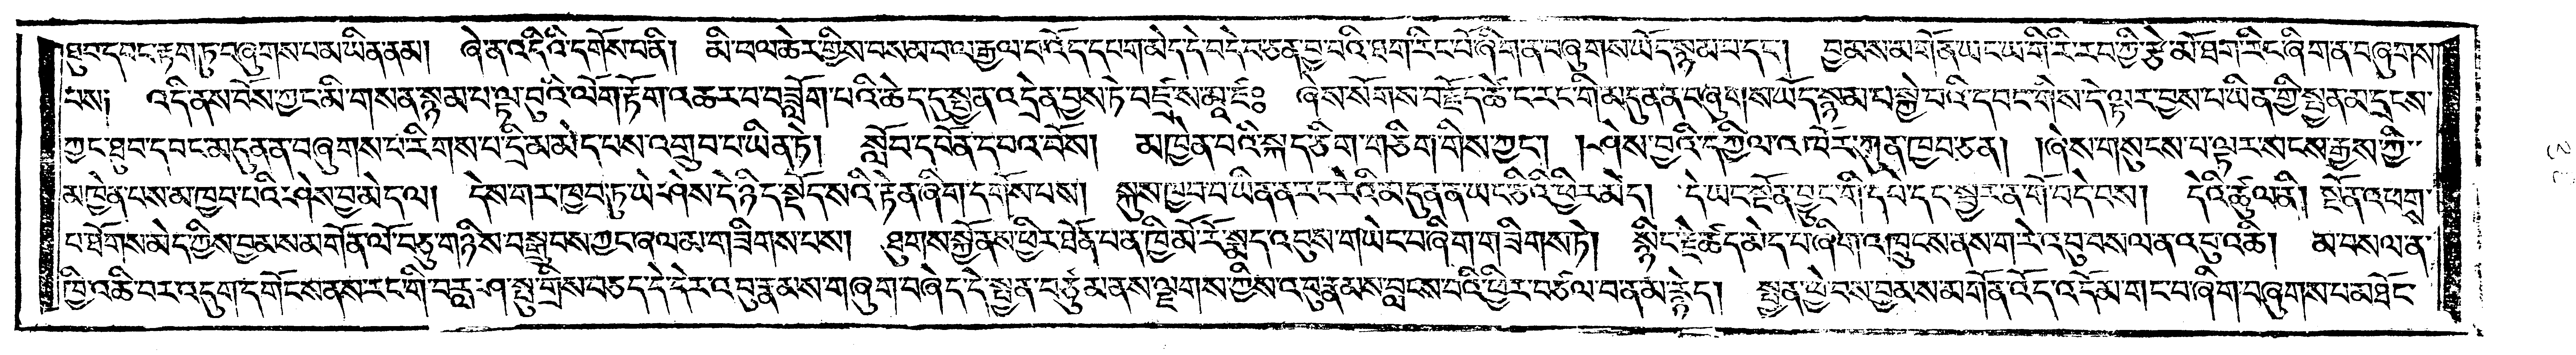ཐུབ་དབང་རྟག་ཏུ་བཞུགས་པ་མ་ཡིན་ནམ། ཞེ་ན་འདིའི་དགོས་པ་ནི། མི་ཕལ་ཆེར་གྱིས་བསམ་པ་ལ་རྒྱལ་བ་འོད་དཔག་མེད་དེ་བདེ་བ་ཅན་བྱ་བའི་ཐག་རིང་པོ་ཞིག་ན་བཞུགས་ཡོད་སྙམ་བ་དང་། བྱམས་མགོན་ཡང་ཡ་གི་རི་རབ་ཀྱི་རྩེ་མོ་ཐག་རིང་ཞིག་ན་བཞུགས་
བས། འདི་ནས་བོས་ཀྱང་མི་གསན་སྙམ་པ་ལྔ་བུའི་ལོག་རྟོག་འཆར་བ་བཟློག་པའི་ཆེད་དུ་སྤྱན་འདྲེན་བྱས་ཏེ་བཛྲ་ས་མཱ་ཛཿ ཞེས་སོགས་བརྗོད་ཚེ་ང་རང་གི་མདུན་ན་བཞུགས་ཡོད་སྙམ་པ་སྐྱེ་བའི་དབང་གིས་དེ་ལྟར་བྱས་པ་ཡིན་གྱི་སྤྱན་མ་དྲངས་
ཀྱང་ཐུབ་དབང་མདུན་ན་བཞུགས་པ་རིགས་བ་དྲི་མ་མེད་པས་འགྲུབ་པ་ཡིན་ཏེ། སློབ་དཔོན་དཔའ་བོས། མཁྱེན་པའི་སྐད་ཅིག་གཅིག་གིས་ཀྱང་། །ཤེས་བྱའི་དཀྱིལ་འཁོར་ཀུན་ཁྱབ་ཅན། །ཞེས་གསུངས་བ་ལྟར་སངས་རྒྱས་ཀྱི་
མཁྱེན་པས་མ་ཁྱབ་པའི་ཤེས་བྱ་མེད་ལ། དེས་གར་ཁྱབ་ཏུ་ཡེ་ཤེས་དེ་ཉིད་སྡོད་སའི་རྟེན་ཞིག་དགོས་པས། སྐུས་ཁྱབ་པ་ཡིན་ན་རང་རེའི་མདུན་ན་ཡང་ཅིའི་ཕྱིར་མེད། དེ་ཡང་སྔོན་བྱུང་གི་དཔེ་དང་སྦྱར་ན་གོ་བདེ་བས། དེའི་ཚུལ་ནི། སྔོན་འཕགས་
བ་ཐོགས་མེད་ཀྱིས་བྱམས་མགོན་ལོ་བཅུ་གཉིས་བསྒྲུབས་ཀྱང་ཞལ་མ་གཟིགས་པས། ཐུགས་སྐྱོ་ནས་ཕྱིར་ཐོན་པ་ན་ཁྱི་མོ་རོ་སྨད་འབུས་གཡེང་བ་ཞིག་གཟིགས་ཏེ། སྙིང་རྗེ་ཚད་མེད་པ་ཞིག་འཁྲུངས་ནས་ག་རེ་འབུབས?་ལན་འབུ་འཆི། མཁས་ལ་ན་
ཁྱི་འཆི་བར་འདུག་དགོངས་ནས་རང་གི་བརླ་ཤ་སྤུ་གྲིས་བཅད་དེ་དེར་འབུ་རྣམས་གཞུག་བཞེད་དེ་སྤྱན་བཙུམ་ནས་ལྗགས་ཀྱིས་འབུ་རྣམས་བླངས་བའི་ཕྱིར་བཙལ་བ་ན་མ་རྙེད། སྤྱན་ཕྱེ་བས་བྱམས་མགོན་འོད་འདོམ་གང་བཞིག་བཞུགས་པ་མཐོང་